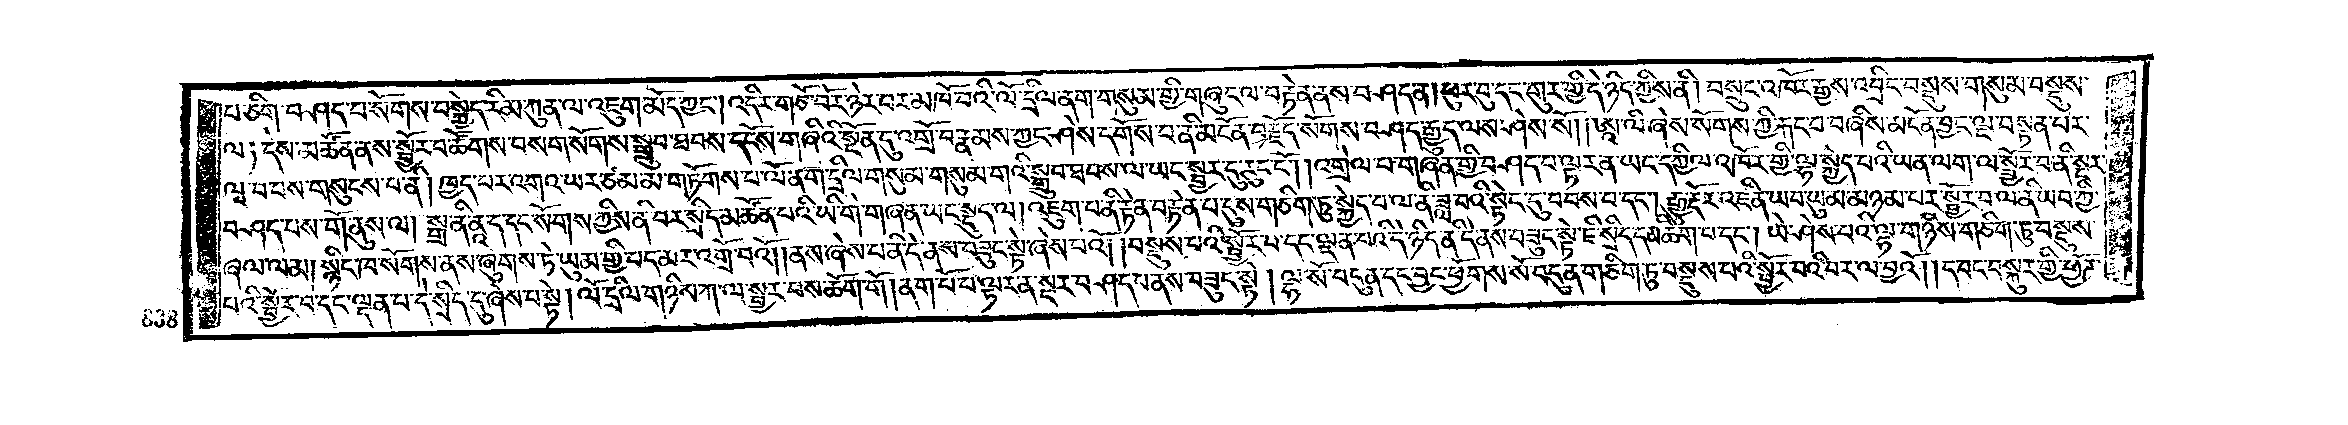པ་ཅིག་བཤད་པ་སོགས་བསྐྱེད་རིམ་ཀུན་ལ་འཇུག་མོད་ཀྱང་། འདིར་གཙོ་བོར་ཉེར་བར་མཁོ་བའི་ལོ་དྲིལ་ནག་གསུམ་གྱི་གཞུང་ལ་བརྟེན་ནས་བཤད་ན། ཕུར་བུ་དང་གུར་གྱི་དེ་ཉིད་ཀྱིས་ནི། བསྲུང་འཁོར་རྒྱས་འབྲིང་བསྡུས་གསུམ་བསྡུས་
ལ། དེས་མཚོན་ནས་སྦྱོར་བ་ཚོགས་བསག་སོགས་སྒྲུབ་ཐབས་དངོས་གཞིའི་སྔོན་དུ་འགྲོ་བ་རྣམས་ཀྱང་ཤེས་དགོས་པ་ནི་མངོན་བརྗོད་སོགས་བཤད་རྒྱུད་ལས་ཤེས་སོ། །ཨཱ་ལི་ཞེས་སོགས་ཀྱི་རྐང་པ་བཞིས་མངོན་བྱང་ལྔ་བསྟན་པར་
ལྭ་བ་པས་གསུངས་པ་ནི། ཁྱད་པར་འགའ་ཡར་ཙམ་མ་གཏོགས་པ་ལོ་ནག་དྲིལ་གསུམ་གསུམ་གའི་སྒྲུབ་ཐབས་ལ་ཡང་སྦྱར་དུ་རུང་ངོ། །འགྲེལ་པ་གཞན་གྱི་བཤད་པ་ལྟར་ན་ཡང་དཀྱིལ་འཁོར་གྱི་ལྷ་སྐྱེད་པའི་ཡན་ལག་ལ་སྦྱོར་བ་ནི་སྔར་
བཤད་པས་གོ་ནུས་ལ། སྒྲ་ནི་ནཱ་ད་དང་སོགས་ཀྱིས་ནི་བར་སྲིད་མཚོན་པའི་ཡི་གེ་གཞན་ཡང་སྡུད་ལ། འཇུག་པ་ནི་རྟེན་བརྟེན་པ་དུས་གཅིག་ཏུ་སྐྱེད་པ་ལ་ནི་ཟླ་བའི་སྟེང་དུ་བབས་པ་དང་། རྒྱུ་རྡོར་འཛིན་ཡབ་ཡུམ་མཉམ་པར་སྦྱོར་བ་ལ་ནི་ཡབ་ཀྱི་
ཞལ་ལམ། སྙིང་ཁ་སོགས་ནས་ཞུགས་ཏེ་ཡུམ་གྱི་པད་མར་འགྲོ་བའོ། །ནས་ཞེས་པ་ནི་དེ་ནས་བཟུང་སྟེ་ཞེས་པའོ། །བསྡུས་པའི་སྦྱོར་བ་དང་ལྡན་པའི་དེ་ཉིད་ནི་དེ་ནས་བཟུང་སྟེ་ཇི་སྲིད་དམ་ཚིག་པ་དང་། ཡེ་ཤེས་པའི་ལྷ་གཉིས་གཅིག་ཏུ་བསྡུས་
པའི་སྦྱོར་བ་དང་ལྡན་པ་དེ་སྲིད་དུ་ཞེས་པ་སྟེ། ལོ་དྲའི་གཉིས་ཀ་ལ་སྦྱར་བས་ཆོག་གོ །ནག་པོ་པ་ལྟར་ན་སྔར་བཤད་པ་ནས་བཟུང་སྟེ། ལྷ་སོ་བདུན་དང་བྱང་ཕྱོགས་སོ་བདུན་གཅིག་ཏུ་བསྡུས་པའི་སྦྱོར་བའི་བར་ལ་བྱའོ། །དབང་བསྐུར་གྱི་ཕྱོགས་